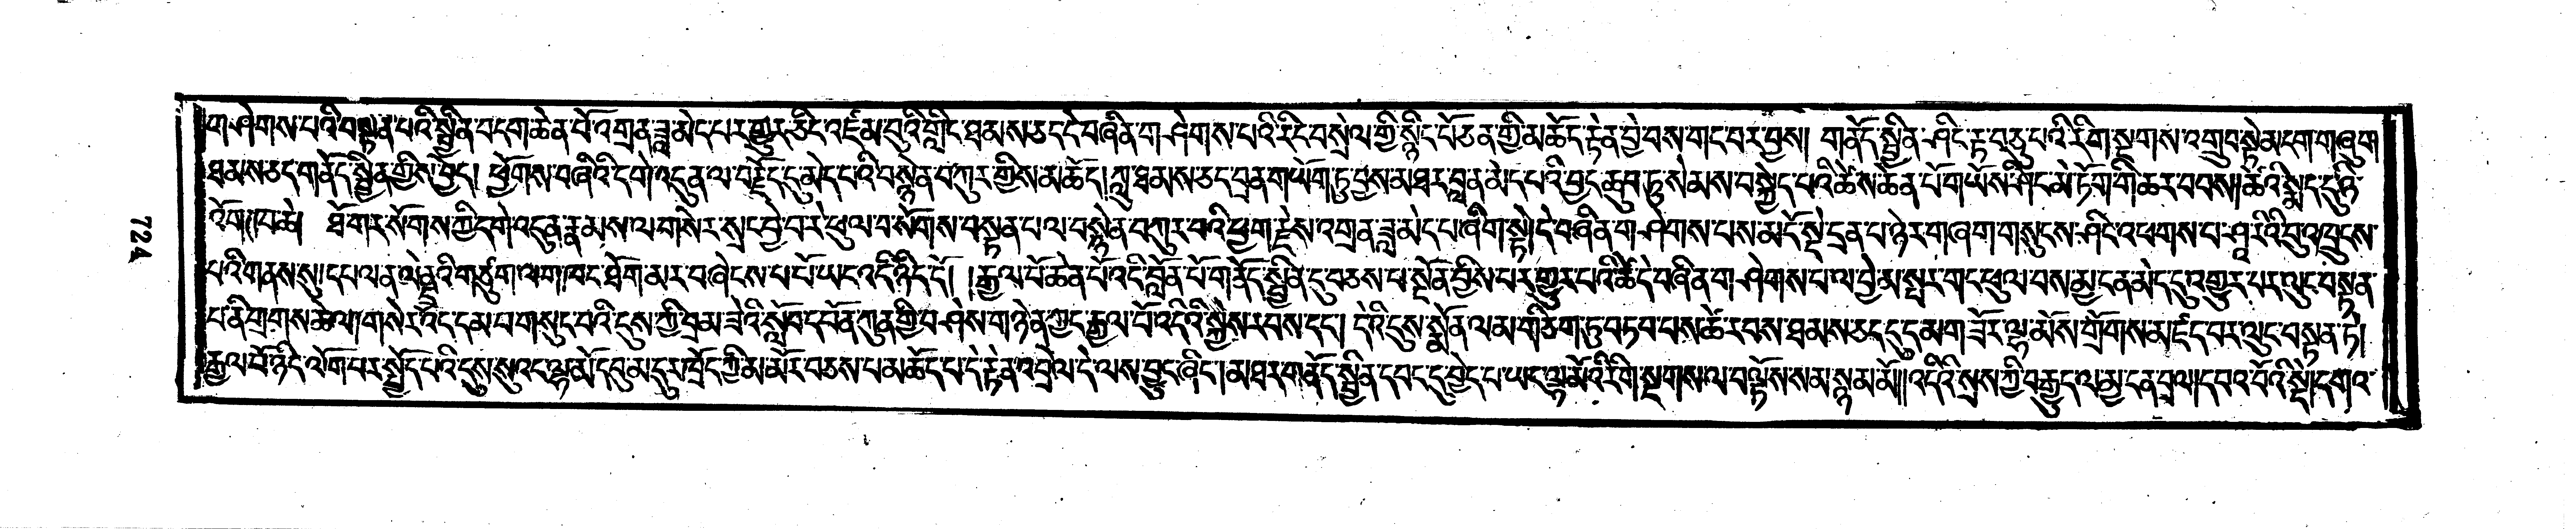གཤེགས་པའི་བསྟན་པའི་སྦྱིན་བདག་ཆེན་པོ་འགྲན་ཟླ་མེད་པར་གྱུར་ཅིང་འཛམ་བུའི་གླིང་ཐམས་ཅད་དེ་བཞིན་གཤེགས་པའི་རིང་བསྲེལ་གྱི་སྙིང་པོ་ཅན་གྱི་མཆོད་རྟེན་བྱེ་བས་གང་བར་བྱས། གནོད་སྦྱིན་ཤིང་རྟ་བཅུ་པའི་རིག་སྔགས་འགྲུབ་སྟེ་མངག་གཞུག་
ཐམས་ཅད་གནོད་སྦྱིན་གྱིས་བྱེད། ཕྱོགས་བཞིའི་དགེ་འདུན་ལ་བརྗོད་དུ་མེད་པའི་བསྙེན་བཀུར་གྱིས་མཆོད། ཀླུ་ཐམས་ཅད་བྲན་གཡོག་ཏུ་བྱས་མཐར་བླ་ན་མེད་པའི་བྱང་ཆུབ་ཏུ་སེམས་བསྐྱེད་པའི་ཚེ་ས་ཆེན་པོ་གཡོས་ཤིང་མེ་ཏོག་གི་ཆར་བབས། ཚེའི་སྨད་དུ་ཉི་
འོག༑ ཁ་ཆེ། ཐོ་གར་སོགས་ཀྱི་དགེ་འདུན་རྣམས་ལ་གསེར་སྲང་བྱེ་བ་རེ་ཕུལ་བ་སོགས་བསྟན་པ་ལ་བསྙེན་བཀུར་བའི་ཕྱག་རྗེས་འགྲན་ཟླ་མེད་པ་ཞིག་སྟེ། དེ་བཞིན་གཤེགས་པས་མདོ་སྡེ་དྲན་པ་ཉེར་གཞག་གསུངས་ཤིང་འཕགས་པ་ཤཱ་རིའི་བུ་འཁྲུངས་
པའི་གནས་སུ། དཔལ་ན་ལེནྡྲའི་གཙུག་ལག་ཁང་ཐོག་མར་བཞེངས་པ་པོ་ཡང་འདི་ཉིད་དོ། །རྒྱལ་པོ་ཆེན་པོ་འདི་བློན་པོ་གནོད་སྦྱིན་དུ་བཅས་པ་སྔོན་བྱིས་པར་གྱུར་པའི་ཚེ་དེ་བཞིན་གཤེགས་པ་ལ་བྱེ་མ་སྤར་གང་ཕུལ་བས་མྱ་ངན་མེད་དུ་འགྱུར་པར་ལུང་བསྟན་
པ་ནི་གྲགས་ཆེ་ལ། གསེར་འོད་དམ་པ་གསུང་བའི་དུས་ཀྱི་བྲམ་ཟེའི་སློབ་དཔོན་ཀུན་གྱི་བཤེས་གཉེན་ཀྱང་རྒྱལ་པོ་འདིའི་སྐྱེས་རབས་དང་། དེའི་དུས་སྨོན་ལམ་གཅིག་ཏུ་བཏབ་པས་ཚེ་རབས་ཐམས་ཅད་དུ་དམག་ཟོར་ལྷ་མོས་གྲོགས་མཛད་བར་ལུང་བསྟན་ཏེ།
རྒྱལ་པོ་ཉིད་ལོག་པར་སྤྱོད་པའི་དུས་སུའང་ལྷ་མོ་དབུ་མ་དུར་ཁྲོད་ཀྱི་མ་མོར་བཅས་པ་མཆོད་པ་དེ་རྟེན་འབྲེལ་དེ་ལས་བྱུང་ཞིང་། མཐར་གནོད་སྦྱིན་དབང་དུ་བྱེད་པ་ཡང་ལྷ་མོའི་རིག་སྔགས་ལ་བལྟོས་སམ་སྙམ་མོ། །འདིའི་སྲས་ཀྱི་བརྒྱུད་ལ་མྱ་ངན་བྲལ། དཔའ་བོའི་སྡེ། དགའ་